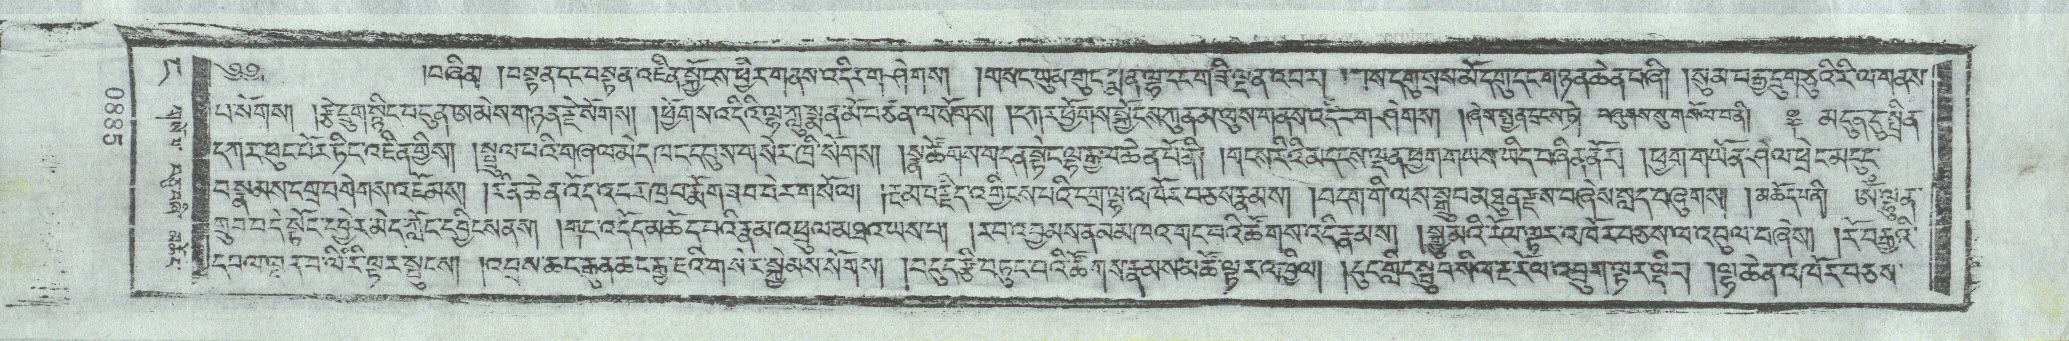༄༅། །བཞིན། །བསྟན་དང་བསྟན་འཛིན་སྐྱོངས་ཕྱིར་གནས་འདིར་གཤེགས། །གསང་ཡུམ་གུང་སྨན་ལྷ་དང་གཟི་ལྡན་འབར། །གས་དགུ་སྲས་མོ་དགུ་དང་གཉན་ཆེན་བཞི། །སུམ་བརྒྱ་དྲུག་ཅུའི་རི་ལ་གནས་
པ་སོགས། །རྩེ་དྲུག་སྙིང་བདུན་ཨ་མེས་གཉན་རྗེ་སོགས། །ཕྱོགས་འདིའི་ལྷ་ཀླུ་སྨན་མོ་བཙན་ལ་སོགས། །དཀར་ཕྱོགས་སྐྱོངས་ཀུན་མ་ལུས་གནས་འདིར་གཤེགས། །ཞེས་སྤྱན་དྲངས་ཏེ། བཞུགས་སུ་གསོལ་བ་ནི། ༈ མདུན་དུ་སྤྲིན་
དཀར་ཕུང་པོར་ཏིང་འཛིན་གྱིས། །སྤྲུལ་པའི་གཞལ་མེད་ཁང་དབུས་གསེར་ཁྲི་སོགས། །སྣ་ཚོགས་གདན་སྟེང་ལྷ་རྒྱལ་ཆེན་པོ་ནི། །གངས་རིའི་མདངས་ལྡན་ཕྱག་གཡས་ཡིད་བཞིན་ནོར། །ཕྱག་གཡོན་ཤེལ་ཕྲེང་མདུང་
བསྣམས་དགྲ་བགེགས་འཇོམས། །རིན་ཆེན་འོད་འབར་ཁྲབ་རྨོག་ཟབ་བེར་གསོལ། །རྔམ་བརྗིད་འགྱིངས་པའི་དགྲ་ལྷ་འཁོར་བཅས་རྣམས། །བདག་གི་ལས་སྒྲུབ་མཐུན་རྫས་བཞེས་སླད་བཞུགས། །མཆོད་པ་ནི། ཨོཾ་ལྷུན་
གྲུབ་བདེ་སྟོང་དབྱེར་མེད་ཀློང་དབྱིངས་ནས། །གང་འདོད་མཆོད་པའི་རྣམ་འཕྲུལ་མཐའ་ཡས་པ། །རབ་འབྱམས་ནམ་མཁའ་གང་བའི་ཚོགས་འདི་རྣམས། །སྒྱུ་མའི་རོལ་ལྟར་འཁོར་བཅས་ལ་འབུལ་བཞེས། །རོ་བརྒྱའི་
དཔལ་ལྡན་བ་ལིཾ་རི་ལྟར་སྦུངས། །འབྲས་ཆང་རྒུན་ཆང་རྒྱ་ཇའི་གསེར་སྐྱེམས་སོགས། །བདུད་རྩི་བཏུང་བའི་ཚོགས་རྣམས་མཚོ་ལྟར་འཁྱིལ། །དུད་གླིང་སྦུབ་སིལ་རྔ་རོལ་འབྲུག་ལྟར་ལྡིར། །ལྷ་ཆེན་འཁོར་བཅས་